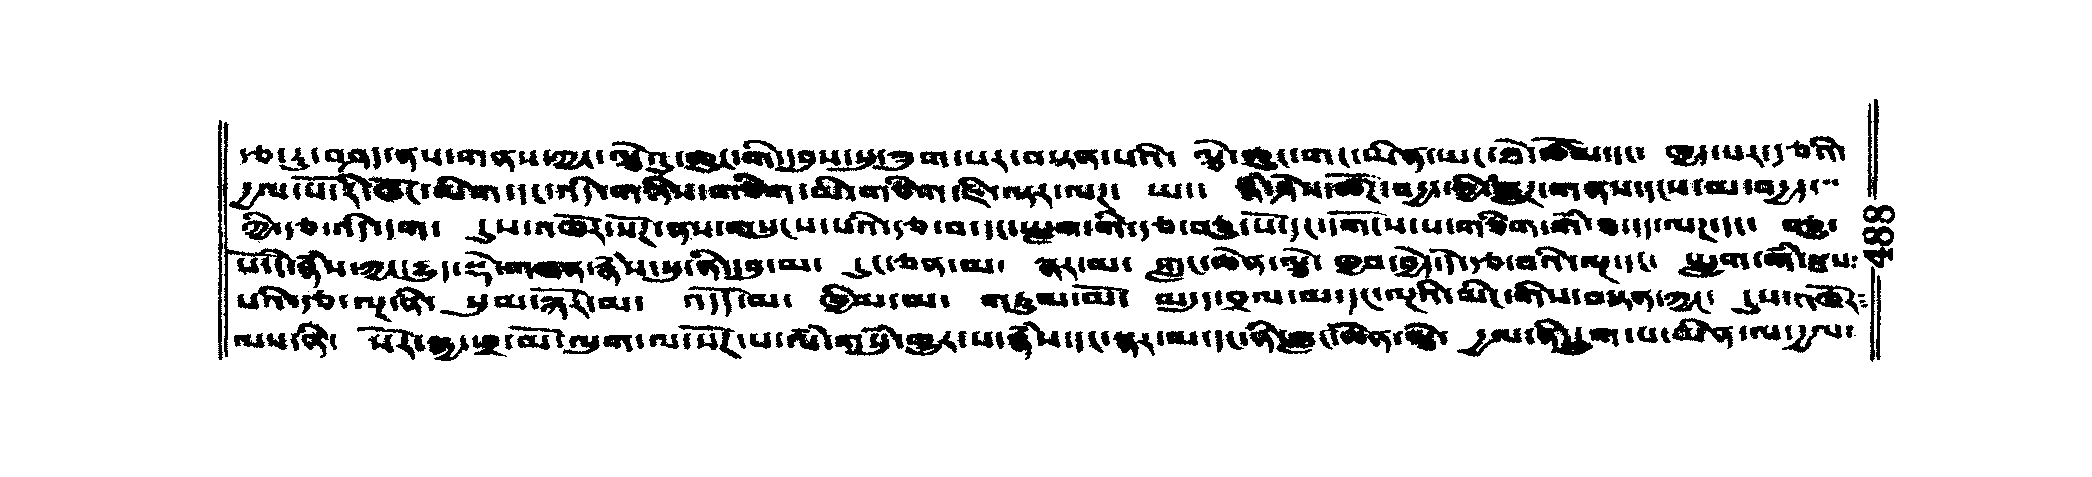རྩ་རུ་བཤད་ནས་གནས་ཀྱང་ལྕེའུ་ཆུང་གི་དབུས་སུ་ཟུག་པར་བསྟན་པའམ། ལྕེ་ཆུང་གང་ཡིན་ཡང་ཐེ་ཚོམ་དང་། ཁྱད་པར་རྩའི་
རྒྱལ་པོ་རི་བོང་མིག་དང་འདི་གཉིས་གཅིག་མི་གཅིག་ཇི་ལྟར་ལགས། ཡང་། རྣམ་ཤེས་ཚོགས་བརྒྱད་ཀྱི་གནས་དྭངས་མ་བརྒྱད་
ཀྱི་རྩ་འདི་དག དུས་འཁོར་སོགས་ནས་གསུངས་པའི་རྩ་བ་དང་ཡན་ལག་གི་རྩ་བཅུ་པོ་དང་དགོངས་པ་གཅིག་གམ་ཐ་དད་ལགས་དང་། བཅུ་
པོ་དེ་རྣམས་ཀྱང་རྒྱུད་སྡེ་གཞན་རྣམས་སུ་ནི་དབུ་མ། དུང་ཅན་མ། སྣར་མ། གླང་ཆེན་ལྕེ། ཁྱབ་བྱེད་དེ་རྩ་བའི་ལྔ་དང་། ཡན་ལག་གམ་སྦས་
པའི་རྩ་ལྔ་ནི། སུམ་སྐོར་མ། འདོད་མ། ཁྱིམ་མ། གཏུམ་མོ། མདུད་བྲལ་མ་དང་ལྔའི་མིང་གིས་བསྟན་ཀྱང་། དུས་འཁོར་
ལས་ནི། སོར་སྐྱ་ཕྲ་མོ་ལུག་ལ་སོགས་པ་ལམ་གསུམ་གྱུར་པ་རྣམས་དང་སྣར་མ་དང་ནི་གླང་ཆེན་ལྕེ། །རྒྱལ་ནི་དྲུག་པ་མིན་ལ་རྒྱལ་